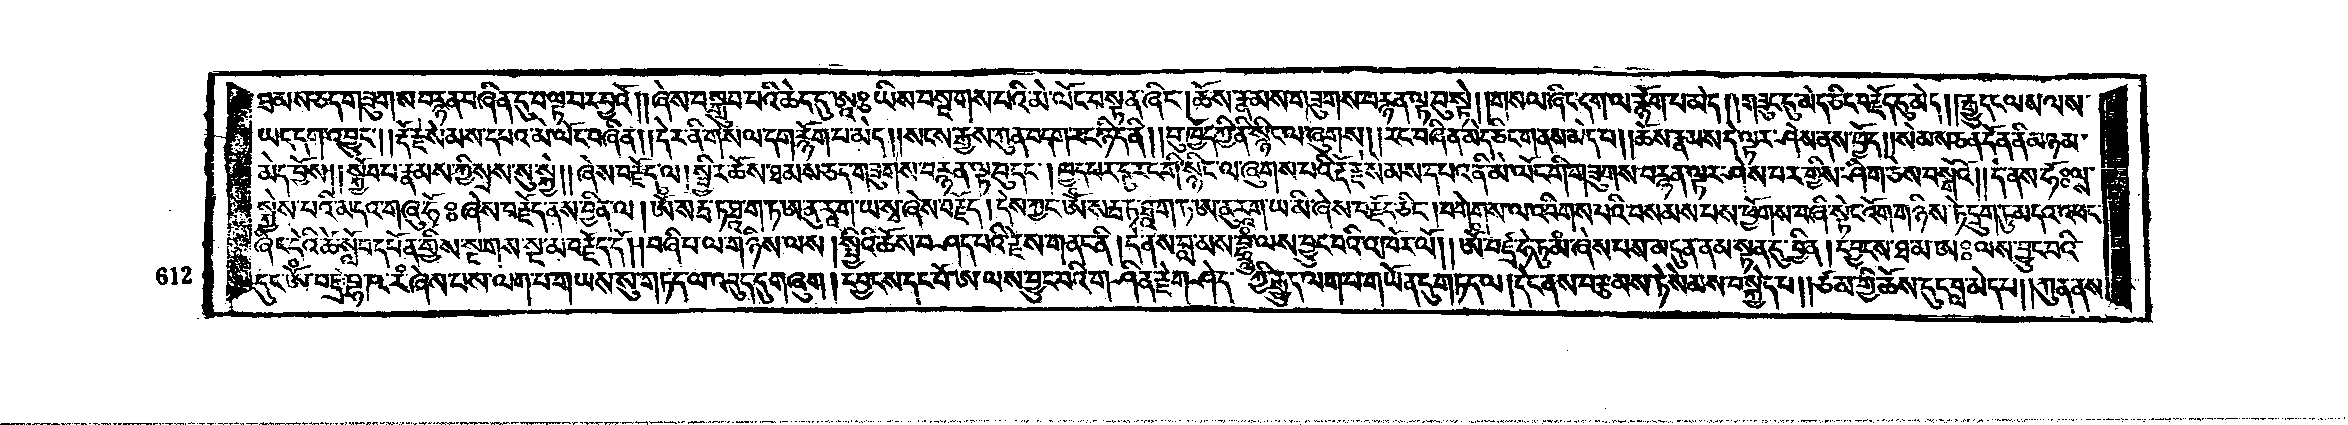ཐམས་ཅད་གཟུགས་བརྙན་བཞིན་དུ་བལྟ་བར་བྱའོ། །ཞེས་བསྒྲུབ་པའི་ཆེད་དུ་ཨཱཿ ཡིས་བསྔགས་པའི་མེ་ལོང་བསྟན་ཞིང་། ཆོས་རྣམས་གཟུགས་བརྙན་ལྟ་བུ་སྟེ། །གསལ་ཞིང་དག་ལ་རྙོག་པ་མེད། །གཟུང་དུ་མེད་ཅིང་བརྗོད་དུ་མེད། །རྒྱུ་དང་ལས་ལས་
ཡང་དག་འབྱུང་། །རྡོ་རྗེ་སེམས་དཔའ་མེ་ལོང་བཞིན། །དེར་ནི་གསལ་དག་རྙོག་པ་མེད། །སངས་རྒྱས་ཀུན་བདག་རང་ཉིད་ནི། །བུ་ཁྱོད་ཀྱི་ནི་སྙིང་ལ་ཞུགས། །རང་བཞིན་མེད་ཅིང་གནས་མེད་པ། །ཆོས་རྣམས་དེ་ལྟར་ཤེས་ནས་ཁྱོད། །སེམས་ཅན་དོན་ནི་མཉམ་
མེད་བྱོས། །སྐྱོབ་པ་རྣམས་ཀྱི་སྲས་སུ་སྐྱེ། །ཞེས་བརྗོད་ལ། སྤྱིར་ཆོས་ཐམས་ཅད་གཟུགས་བརྙན་ལྟ་བུ་དང་། ཁྱད་པར་དུ་རང་གི་སྙིང་ལ་ཞུགས་པའི་རྡོ་རྗེ་སེམས་དཔའ་ནི་མེ་ལོང་གི་གཟུགས་བརྙན་ལྟར་ཤེས་པར་གྱིས་ཅེས་བསྒོའོ། །དེ་ནས་ཧོ་H ལས་
སྐྱེས་པའི་མདའ་གཞུ་ཧོཿ ཞེས་བརྗོད་ནས་བྱིན་ལ། ཨོཾ་སརྦ་ཏ་ཐཱ་ག་ཏ་ཨ་ནུ་རཱ་ག་ཡ་སྭ་ཞེས་བརྗོད། དེས་ཀྱང་ཨོཾ་སརྦ་ཏ་ཐཱ་ག་ཏ་ཨ་ནུ་རཱག་ཡ་མི་ཞེས་བརྗོད་ཅིང་། བགེགས་ལ་འབིགས་པའི་བསམས་པས་ཕྱོགས་བཞི་སྟེང་འོག་གཉིས་ཏེ་དྲུག་ཏུ་མདའ་འཕང་
ཞིང་དེའི་སློབ་དཔོན་གྱིས་སྔགས་སྔ་མ་བརྗོད་དོ། །བཞི་པ་ལ་གཉིས་ལས། སྤྱིའི་ཆེས་བཤད་པའི་རྗེས་གནང་ནི། དེ་ནས་བླ་མས་བྷྲཱུཾ་ལས་བྱུང་བའི་འཁོར་ལོ། །ཨོཾ་བཛྲ་ཧེ་ཏུ་མཾ་ཞེས་པས་མདུན་ནམ་སྟན་དུ་བྱིན། དབྱངས་ཐ་མ་ཨཿ ལས་བྱུང་བའི་
དུང་ཨོཾ་བཛྲ་བྷ་ཥ་རཾ་ཞེས་པས་ལག་པ་གཡས་སུ་གཏད་ལ་འབུད་དུ་གཞུག །དབྱངས་དང་པོ་ཨ་ལས་བྱུང་བའི་གཤིན་རྗེ་གཤེད་ཀྱི་རྒྱུད་ལག་པ་གཡོན་དུ་གཏད་ལ། དེང་ནས་བརྩམས་ཏེ་སེམས་བསྐྱེད་པ། །ཙམ་གྱི་ཆོས་དུང་བླ་མེད་པ། །ཀུན་ནས་